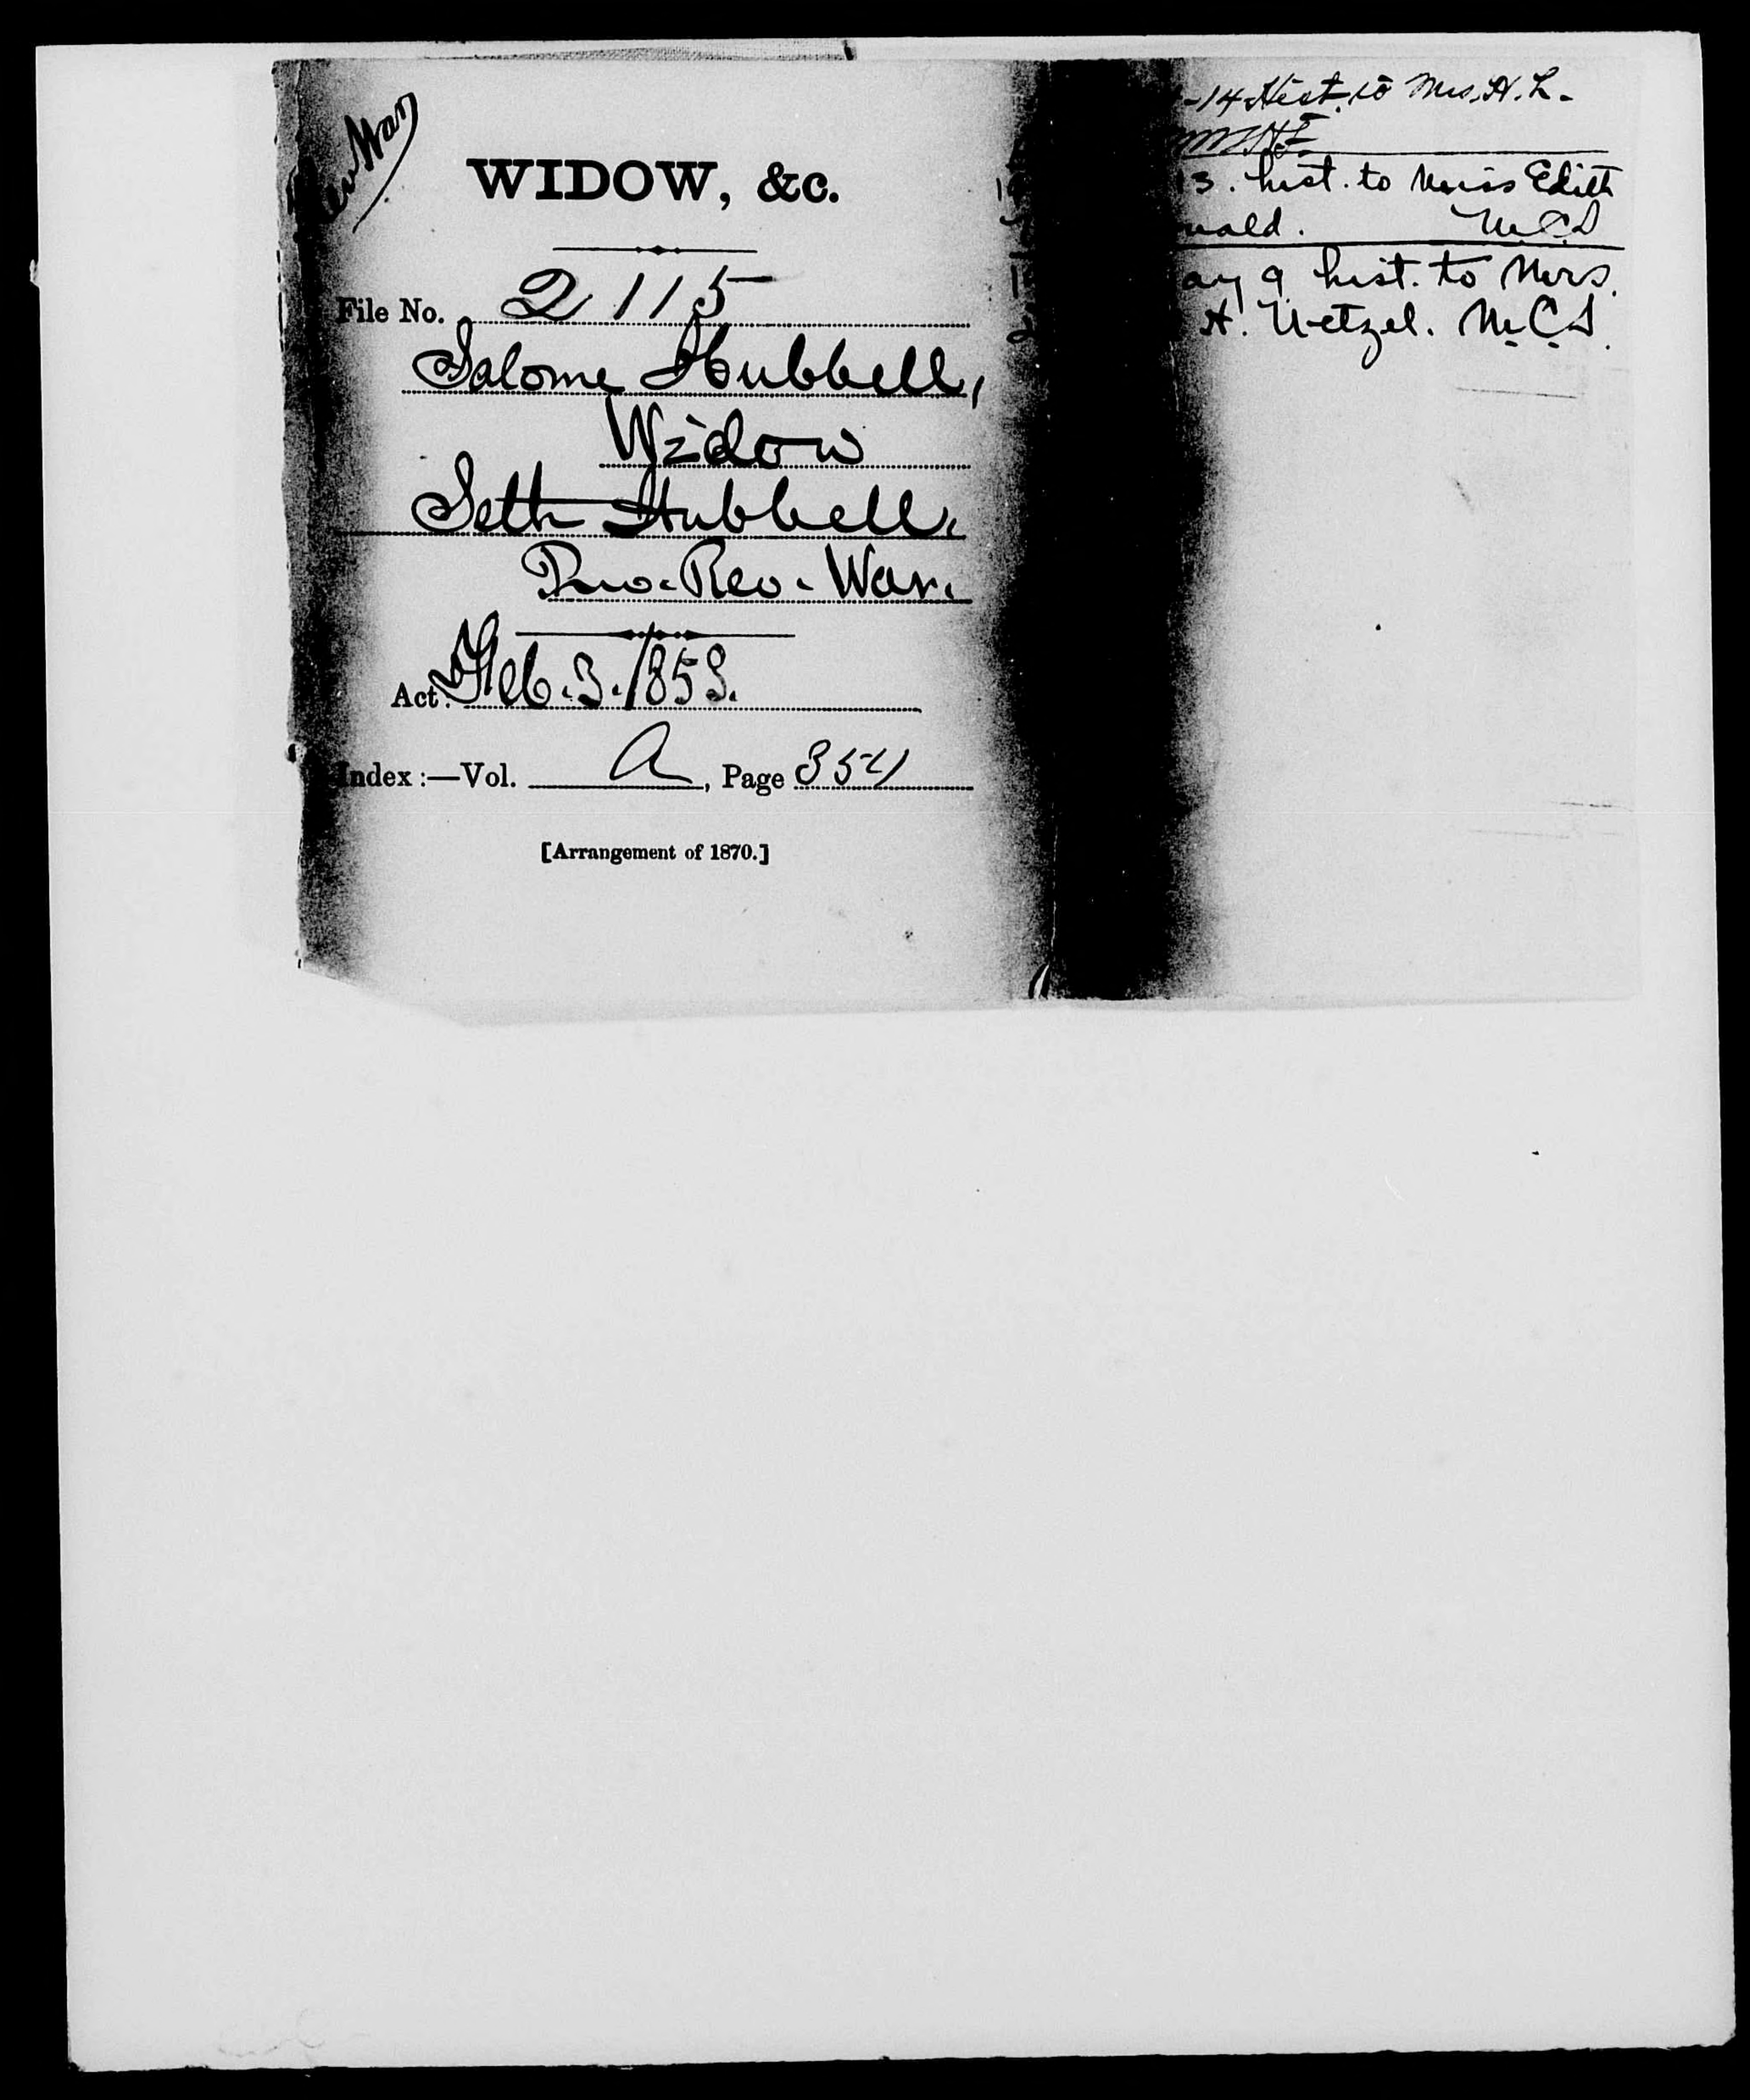WIDOW, &c
File No. 2115
Salome Hubbell,
Widow
Seth Hubbell,
Prv. Rev. War
Act. Feb. 3, 1853
Index:--Vol. A, Page 354
[Arrangement of 1870.]
-14 Hist to Mrs. H.L. {illegible}
3 hist. to Miss Edith {illegible} WCD
ay a hist. to Mrs H. Wetzel M. C. S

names: H Wetzel, H L, Salome Hubbell, Seth Hubbell, Edith Arnold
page: 54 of 114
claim: widow's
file: W. 2115, Seth Hubbell, Conn.